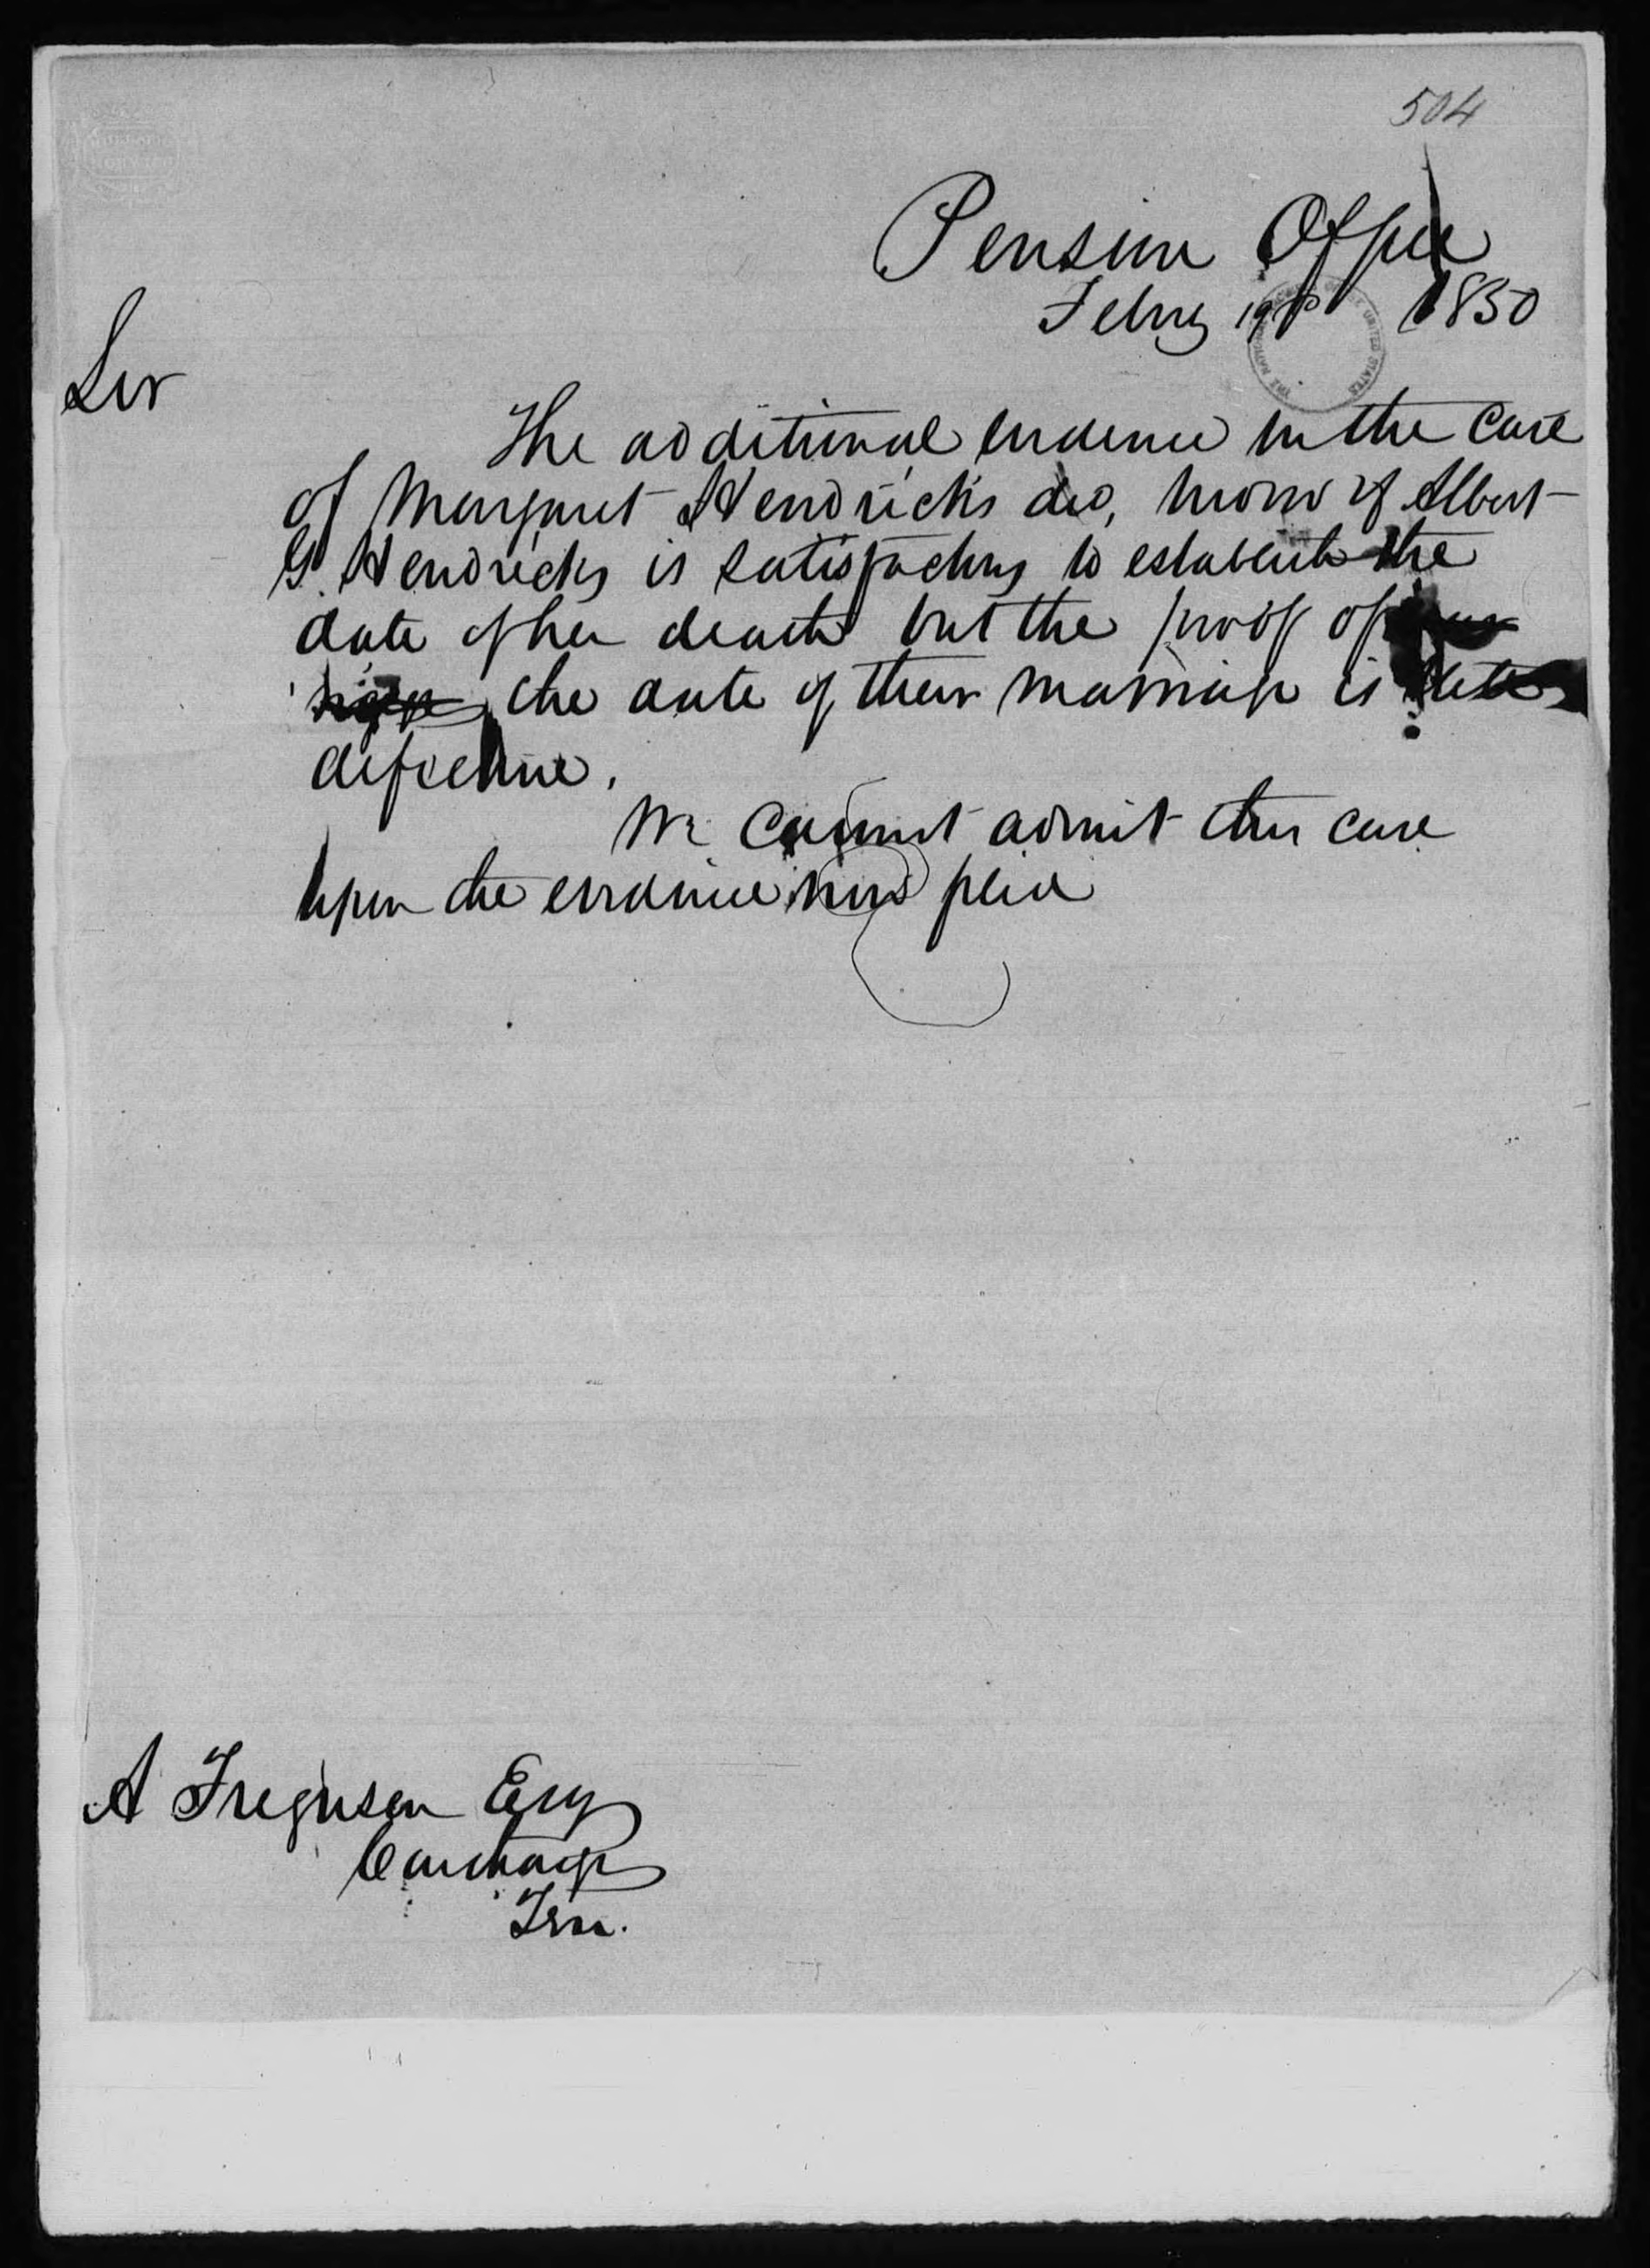Pension Office 
Feby 19 1850
[Circular stamp National Archives]
THE NATIONAL ARCHIVES OF THE UNITED STATES

Sir

The additional evidence in the case 
of Margaret Hendricks decd, widow of Albert G. Hendricks is satisfactory to establish the 
date of her death but the proof of [word struck out]
[word struck out] the date of their marriage is still 
deficient.

We cannot admit this case 
upon th evidence now filed

A. Ferguson Esq
Carthage
Tenn.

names: Margaret Hendricks, A Freguson, Albert G Hendricks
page: 47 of 76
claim: widow's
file: W. 83, Albert Hendricks, Continental Md. N.C.